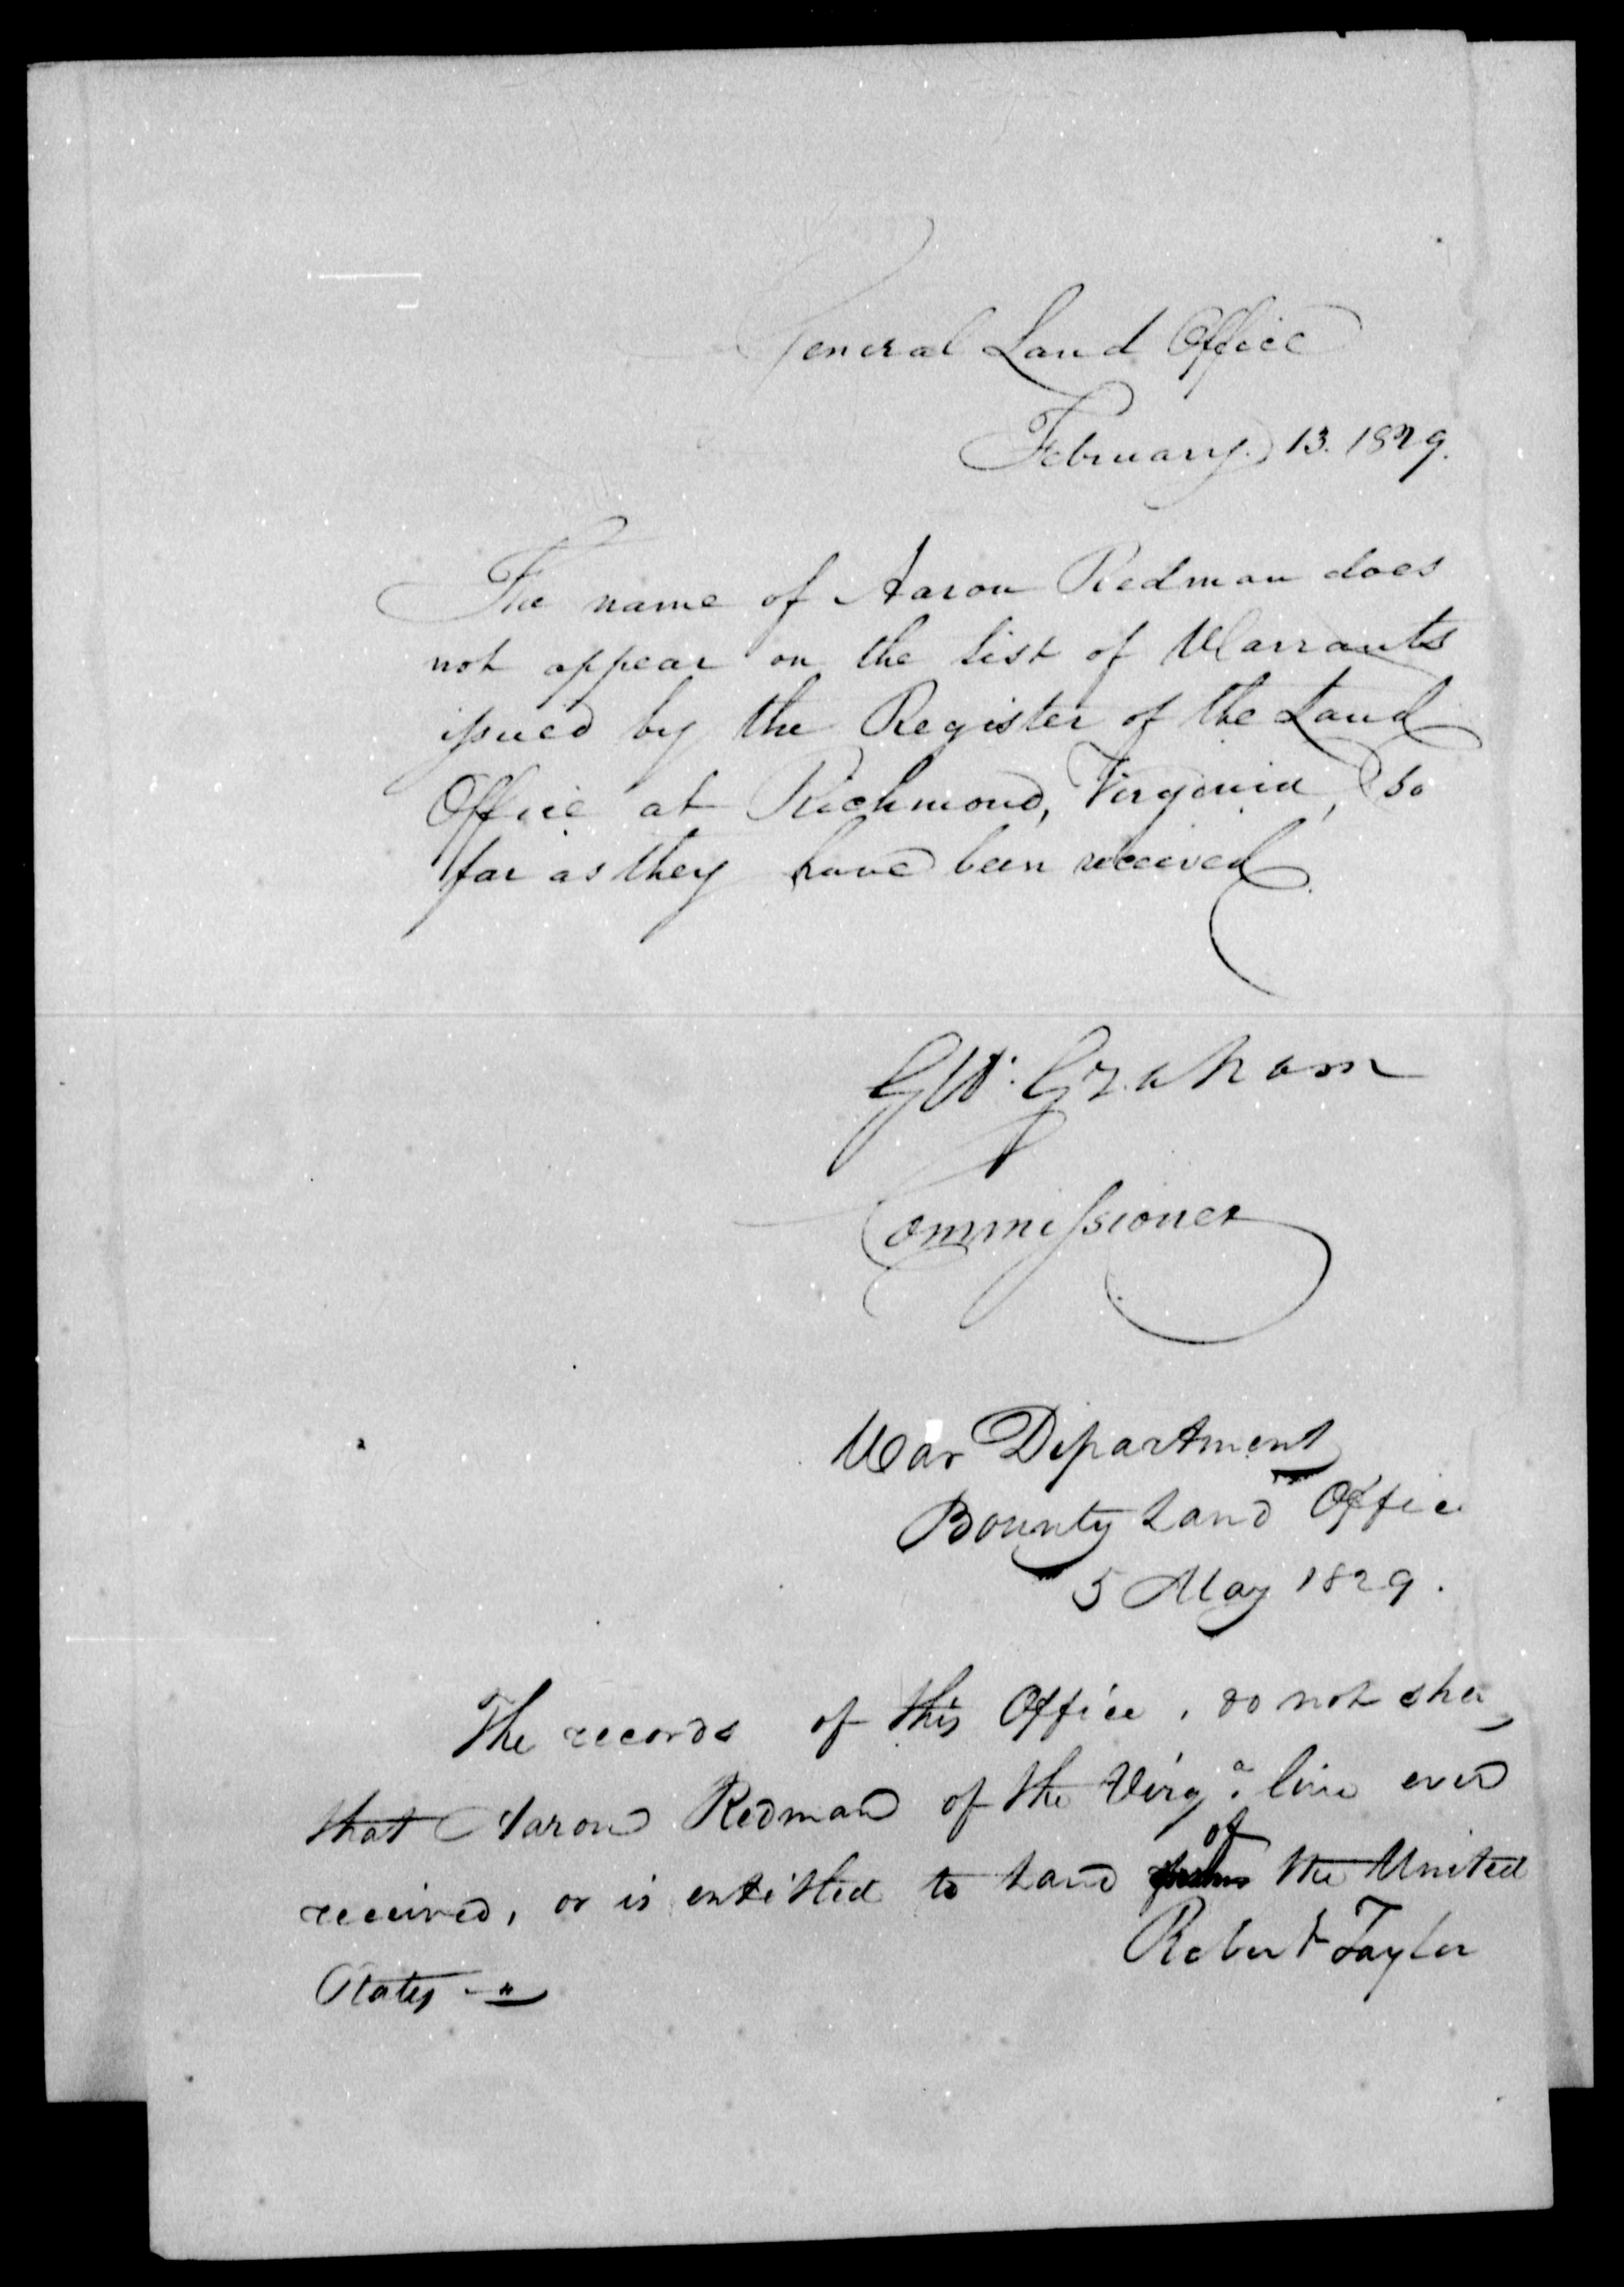General Land Office
February 13, 1829.

The name of Aaron Redman does not appear on the list of Warrants issued by the Register of the Land Office at Richmond, Virginia, so far as they have been received.
Geo: Graham
Commissioner


War Department,
Bounty Land Office.
5 May 1829

The records of this office do not shew that Aaron Redman of the Virga. line ever received, or is entitled to land of the United States
Robert Taylor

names: Aaron Redman; Robert Taylor; Geo Graham; Aaron Redman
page: 47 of 57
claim: widow's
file: W. 9,622, for Aaron Redman, Virginia